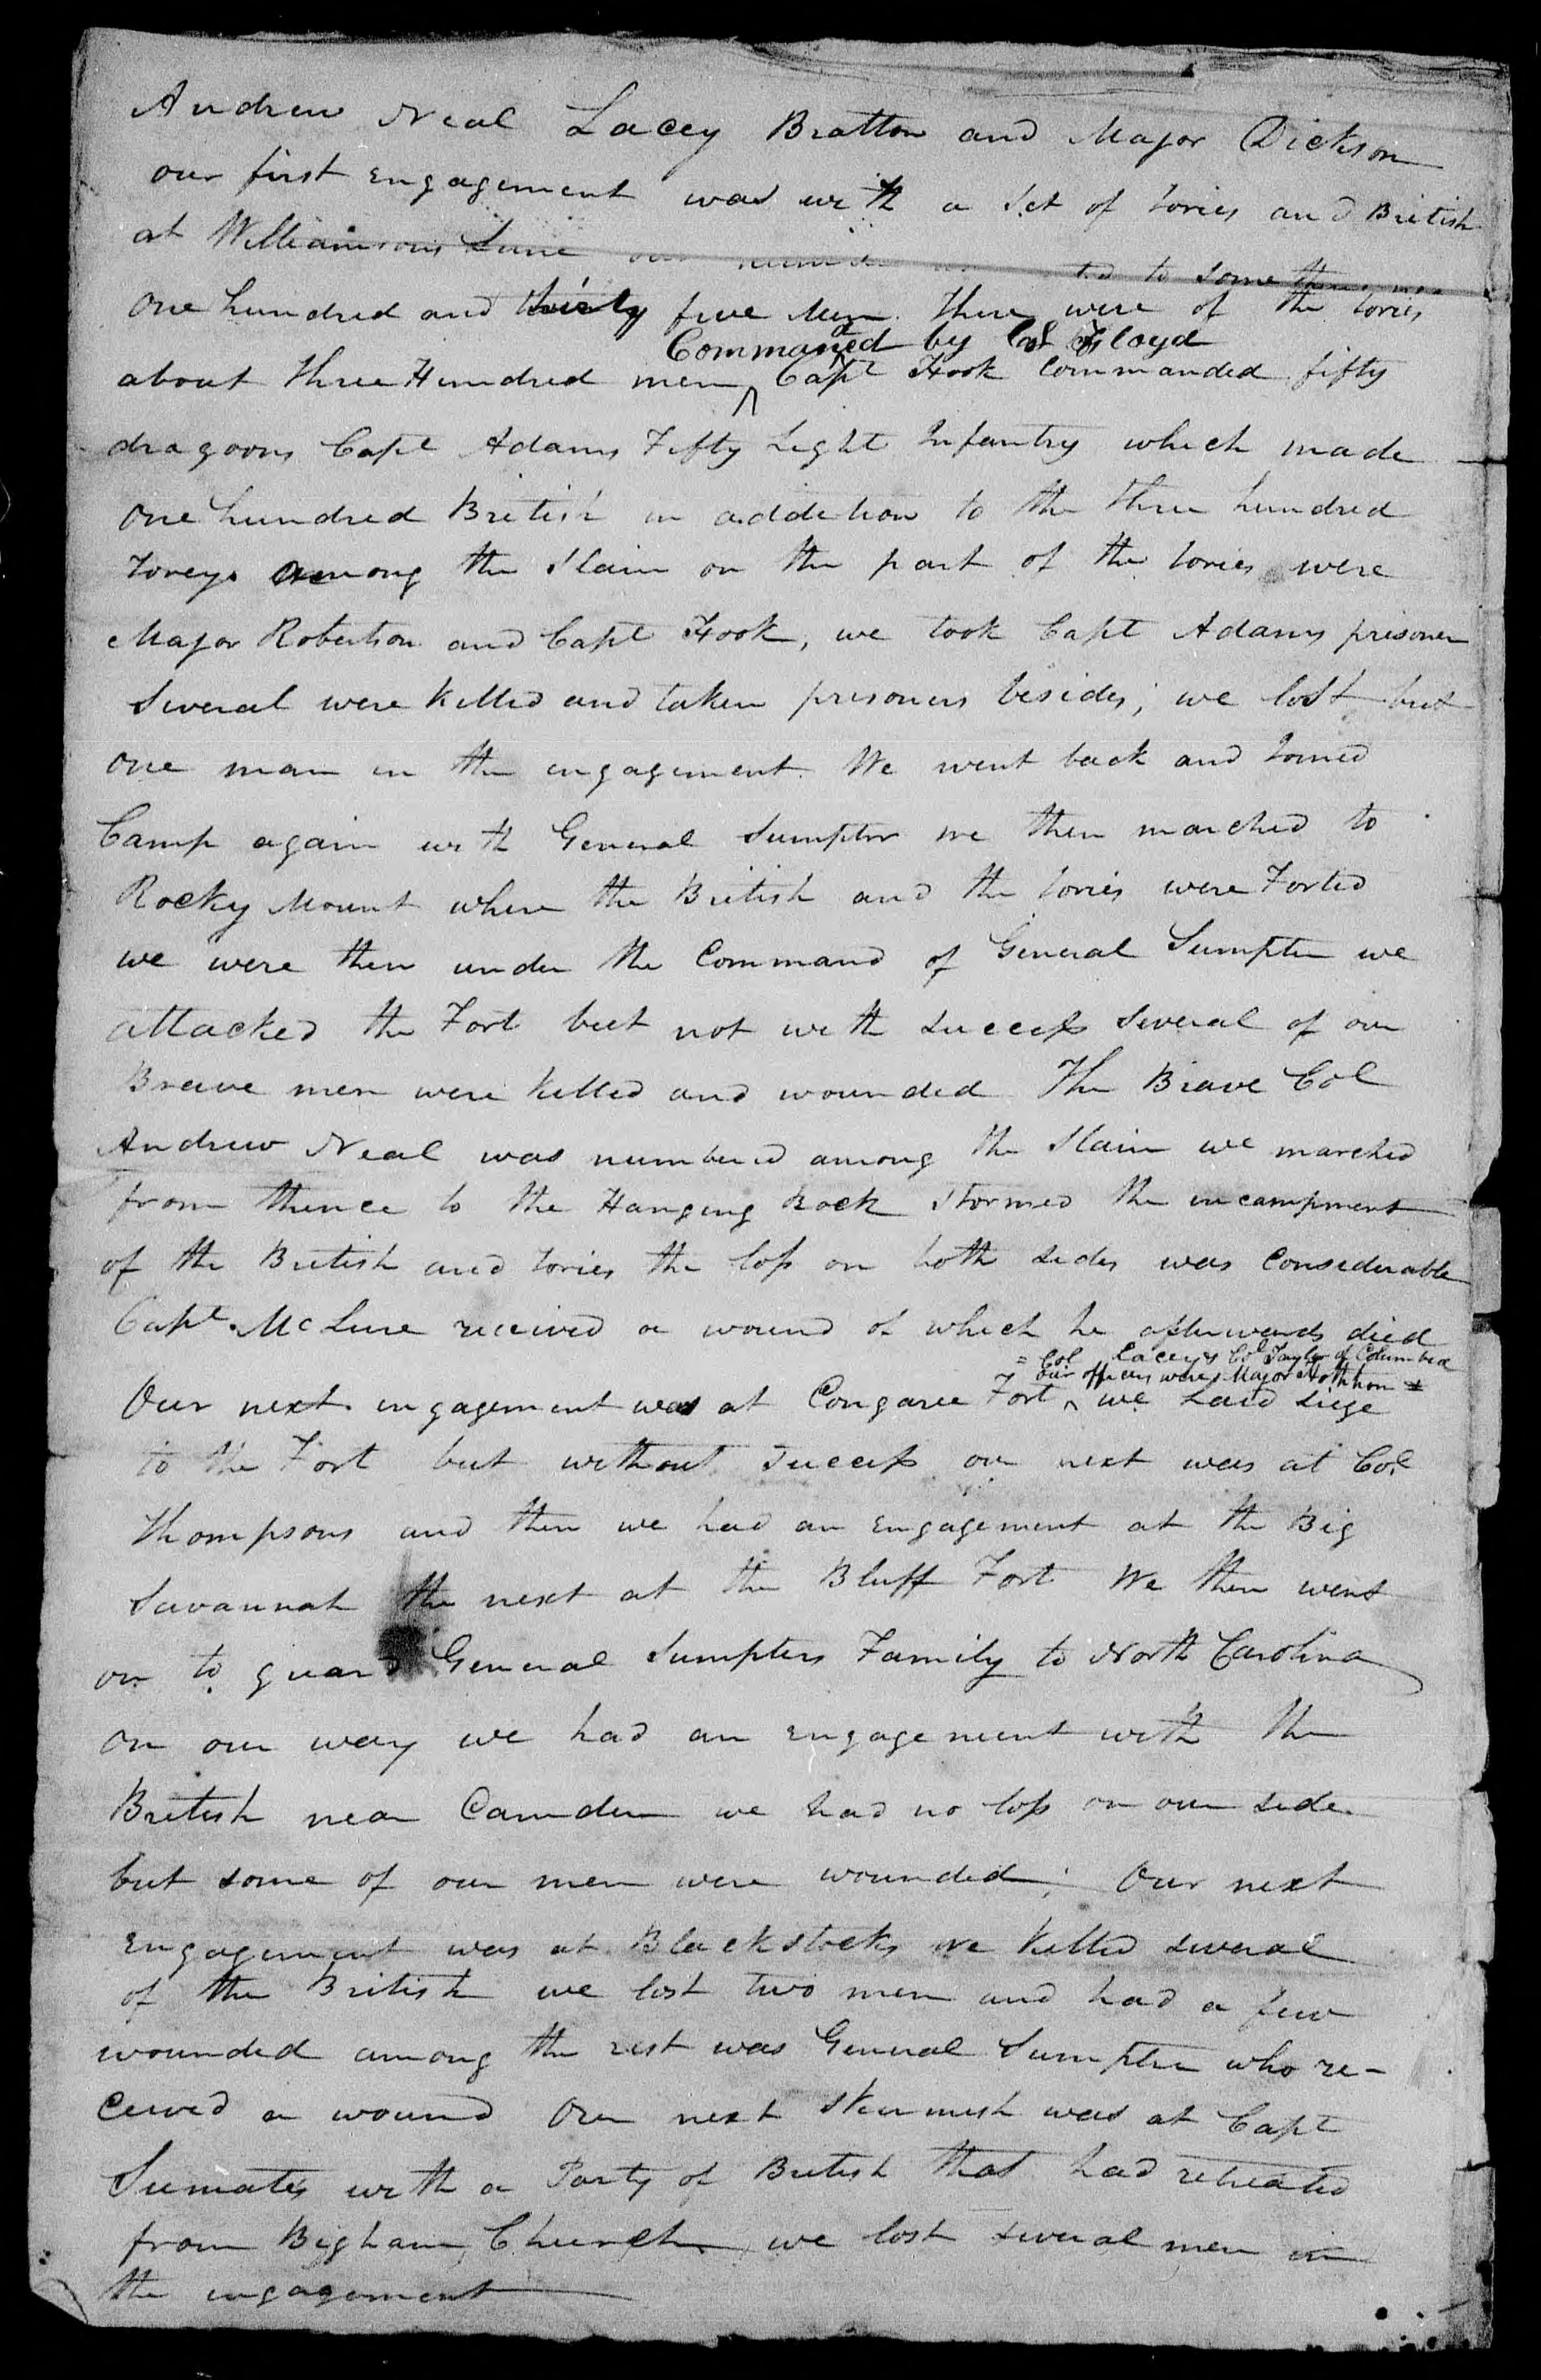Andrew Neal Lacey Bratton and Major Dickson
our first engagement was with a set of Tories and
at Williamson line our number [illegible] to some there were one hundred and thirty five men. There were of the Tories about three hundred men Commanded by Col. Floyd, Capt Hook commanded fifty dragoons Capt Adams Fifty Light Infantry which made one hundred British in addition to the three hundred Toreys among the slain on the part of the Tories were Major Robertson and Capt Hook, we took Capt Adams prisoner. Several were killed and taken prisoners besides, we lost but one man in the engagement. We went back and formed Camp again with General Sumpter we then marched to
Rocky Mount where the British and the Tories were Forted we were then under the command of General Sumpter we attacked the Fort but not with success.  Several of our Brave men were killed and wounded. The Brave Col Andrew Neal was numbered among the slain we march
from thence to the Hanging Rock stormed the encampment of the British and Tories the loss on both sides was considerable.  Capt McLure received or wound of which he afterwards died. Our next engagement was at Congaree fort = Col Lacey & Col Taylor of Columbia Our officers were Major Hotton & we laid siege  to the Fort but without success our next was at Col Thompsons and then we had an engagement at the Big Savannah the next at the Bluff Fort. We then went on to guard General Sumpters Family to North Carolina.
On our way we had an engagement with
the British near Camden we had no loss on our side but some of our men were wounded. Our next engagement was at Blackstocks we killed several of the British we last two men and had a few wounded among the rest was General Sumpter who received a wound. Our  next skirmish was at Capt Sumates with a party of British that had retreated from Bigham Church we lost several men in the engagement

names: Sumpter, Hothhon, Andrew Neal, Bigham Church, Sumpter, Floyd, Sumpter, Thompson, Hook, Mc Lure, Andrew Neal, Sumpter, Tayler, Dickson, Robertson, Adams, Hook, Adams, Lacey, Lacey Bratton, Sumpter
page: 19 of 55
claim: widow's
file: W. 22864, John Craig, S.C. Born In Iceland